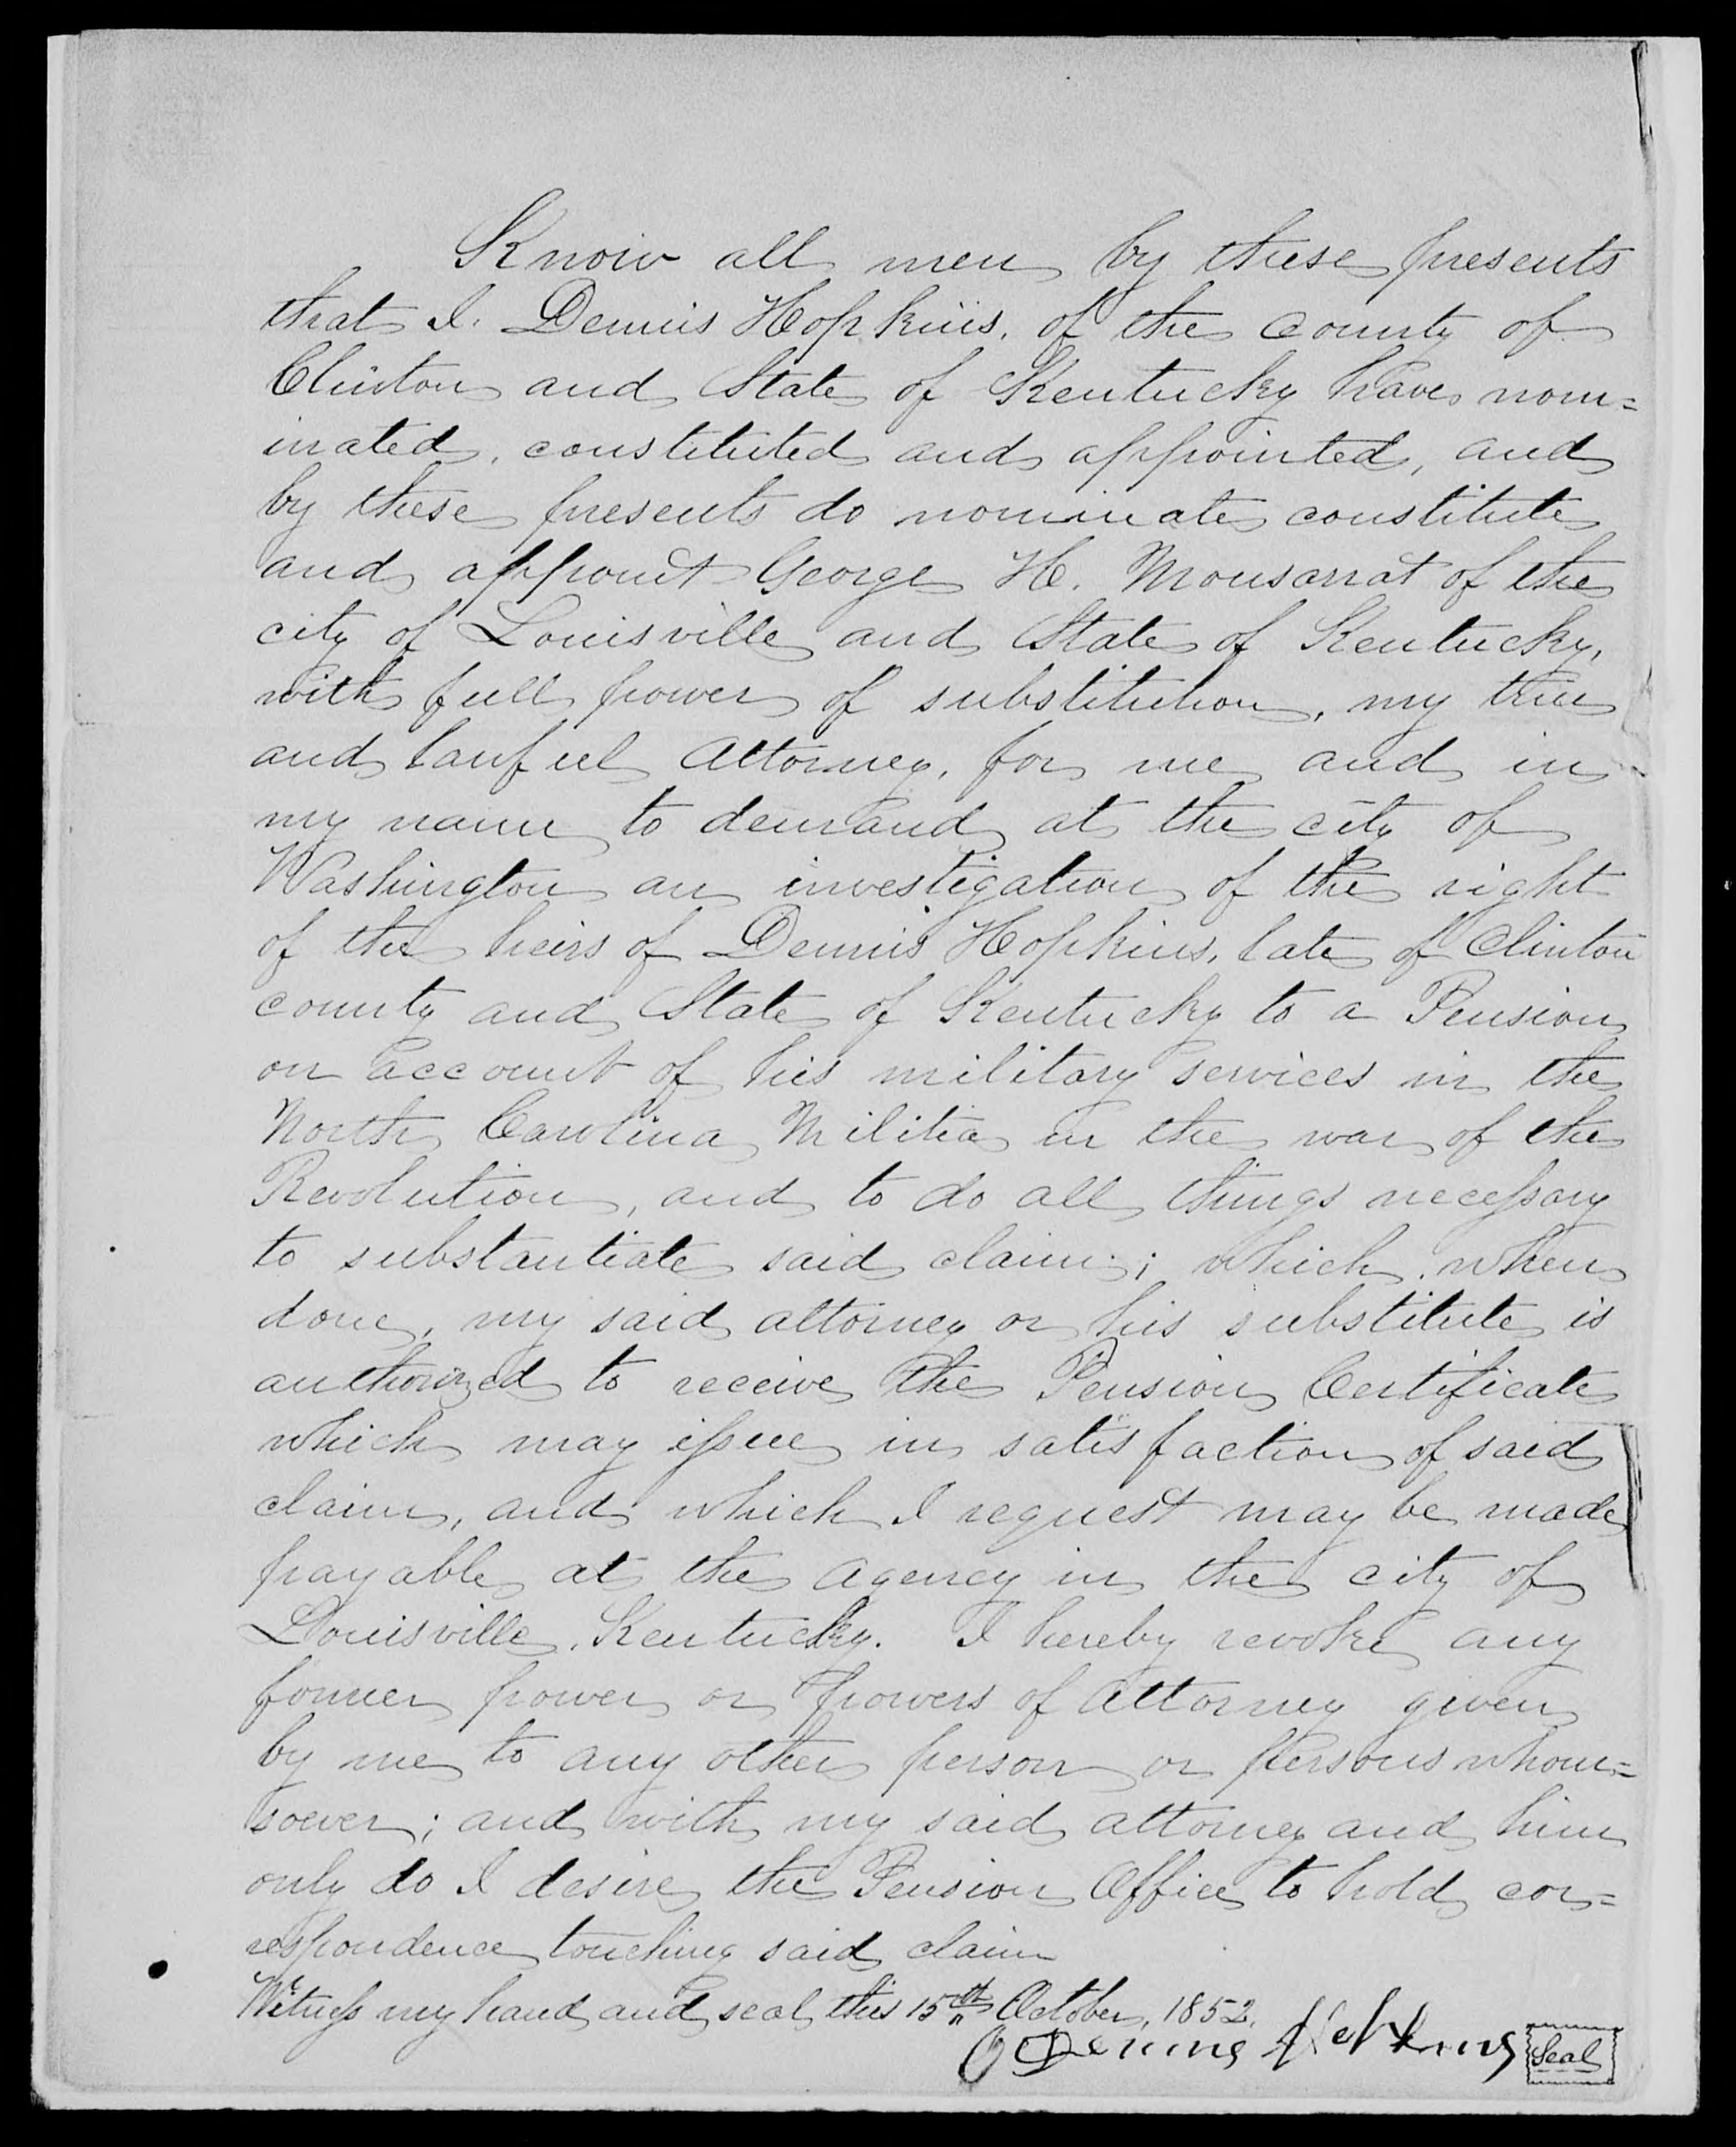Know all men by these presents that I, Dennis Hopkins of the County of Clinton and State of Kentucky have nominated, constituted and appointed, and by these presents do nominate constitutes and appoint George H. Monsart of the city of Louisville and State of Kentucky, with full power of substitution, my trice and lawful Attorney, for me and in my name to demand at the City of Washington an investigation of the right of the heirs of Dennis Hopkins, late of Clinton County and State of Kentucky to a Pension on account of his military services in the North Carolina Militia in the war of the Revolution, and to do all things necessary to substantiate said claim; which when done, my said attorney or his substitute is authorized to receive the Pension Certificate which may issue in satisfaction of said claims, and which I request may be made payable at the agency in the City of Louisville Kentucky. I hereby revoke any former power or powers of attorney given by me to any other person or persons whomsoever; and with my said attorney and him only do I desire the Pension Office to hold correspondence touching said claim
Witness my hand and seal this 15th October, 1852. 
Dennis Hopkins Seal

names: George H Monsarrat, Dennis Hopkins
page: 44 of 144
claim: rejected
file: R. 5208, Dennis Hopkins, N.C.